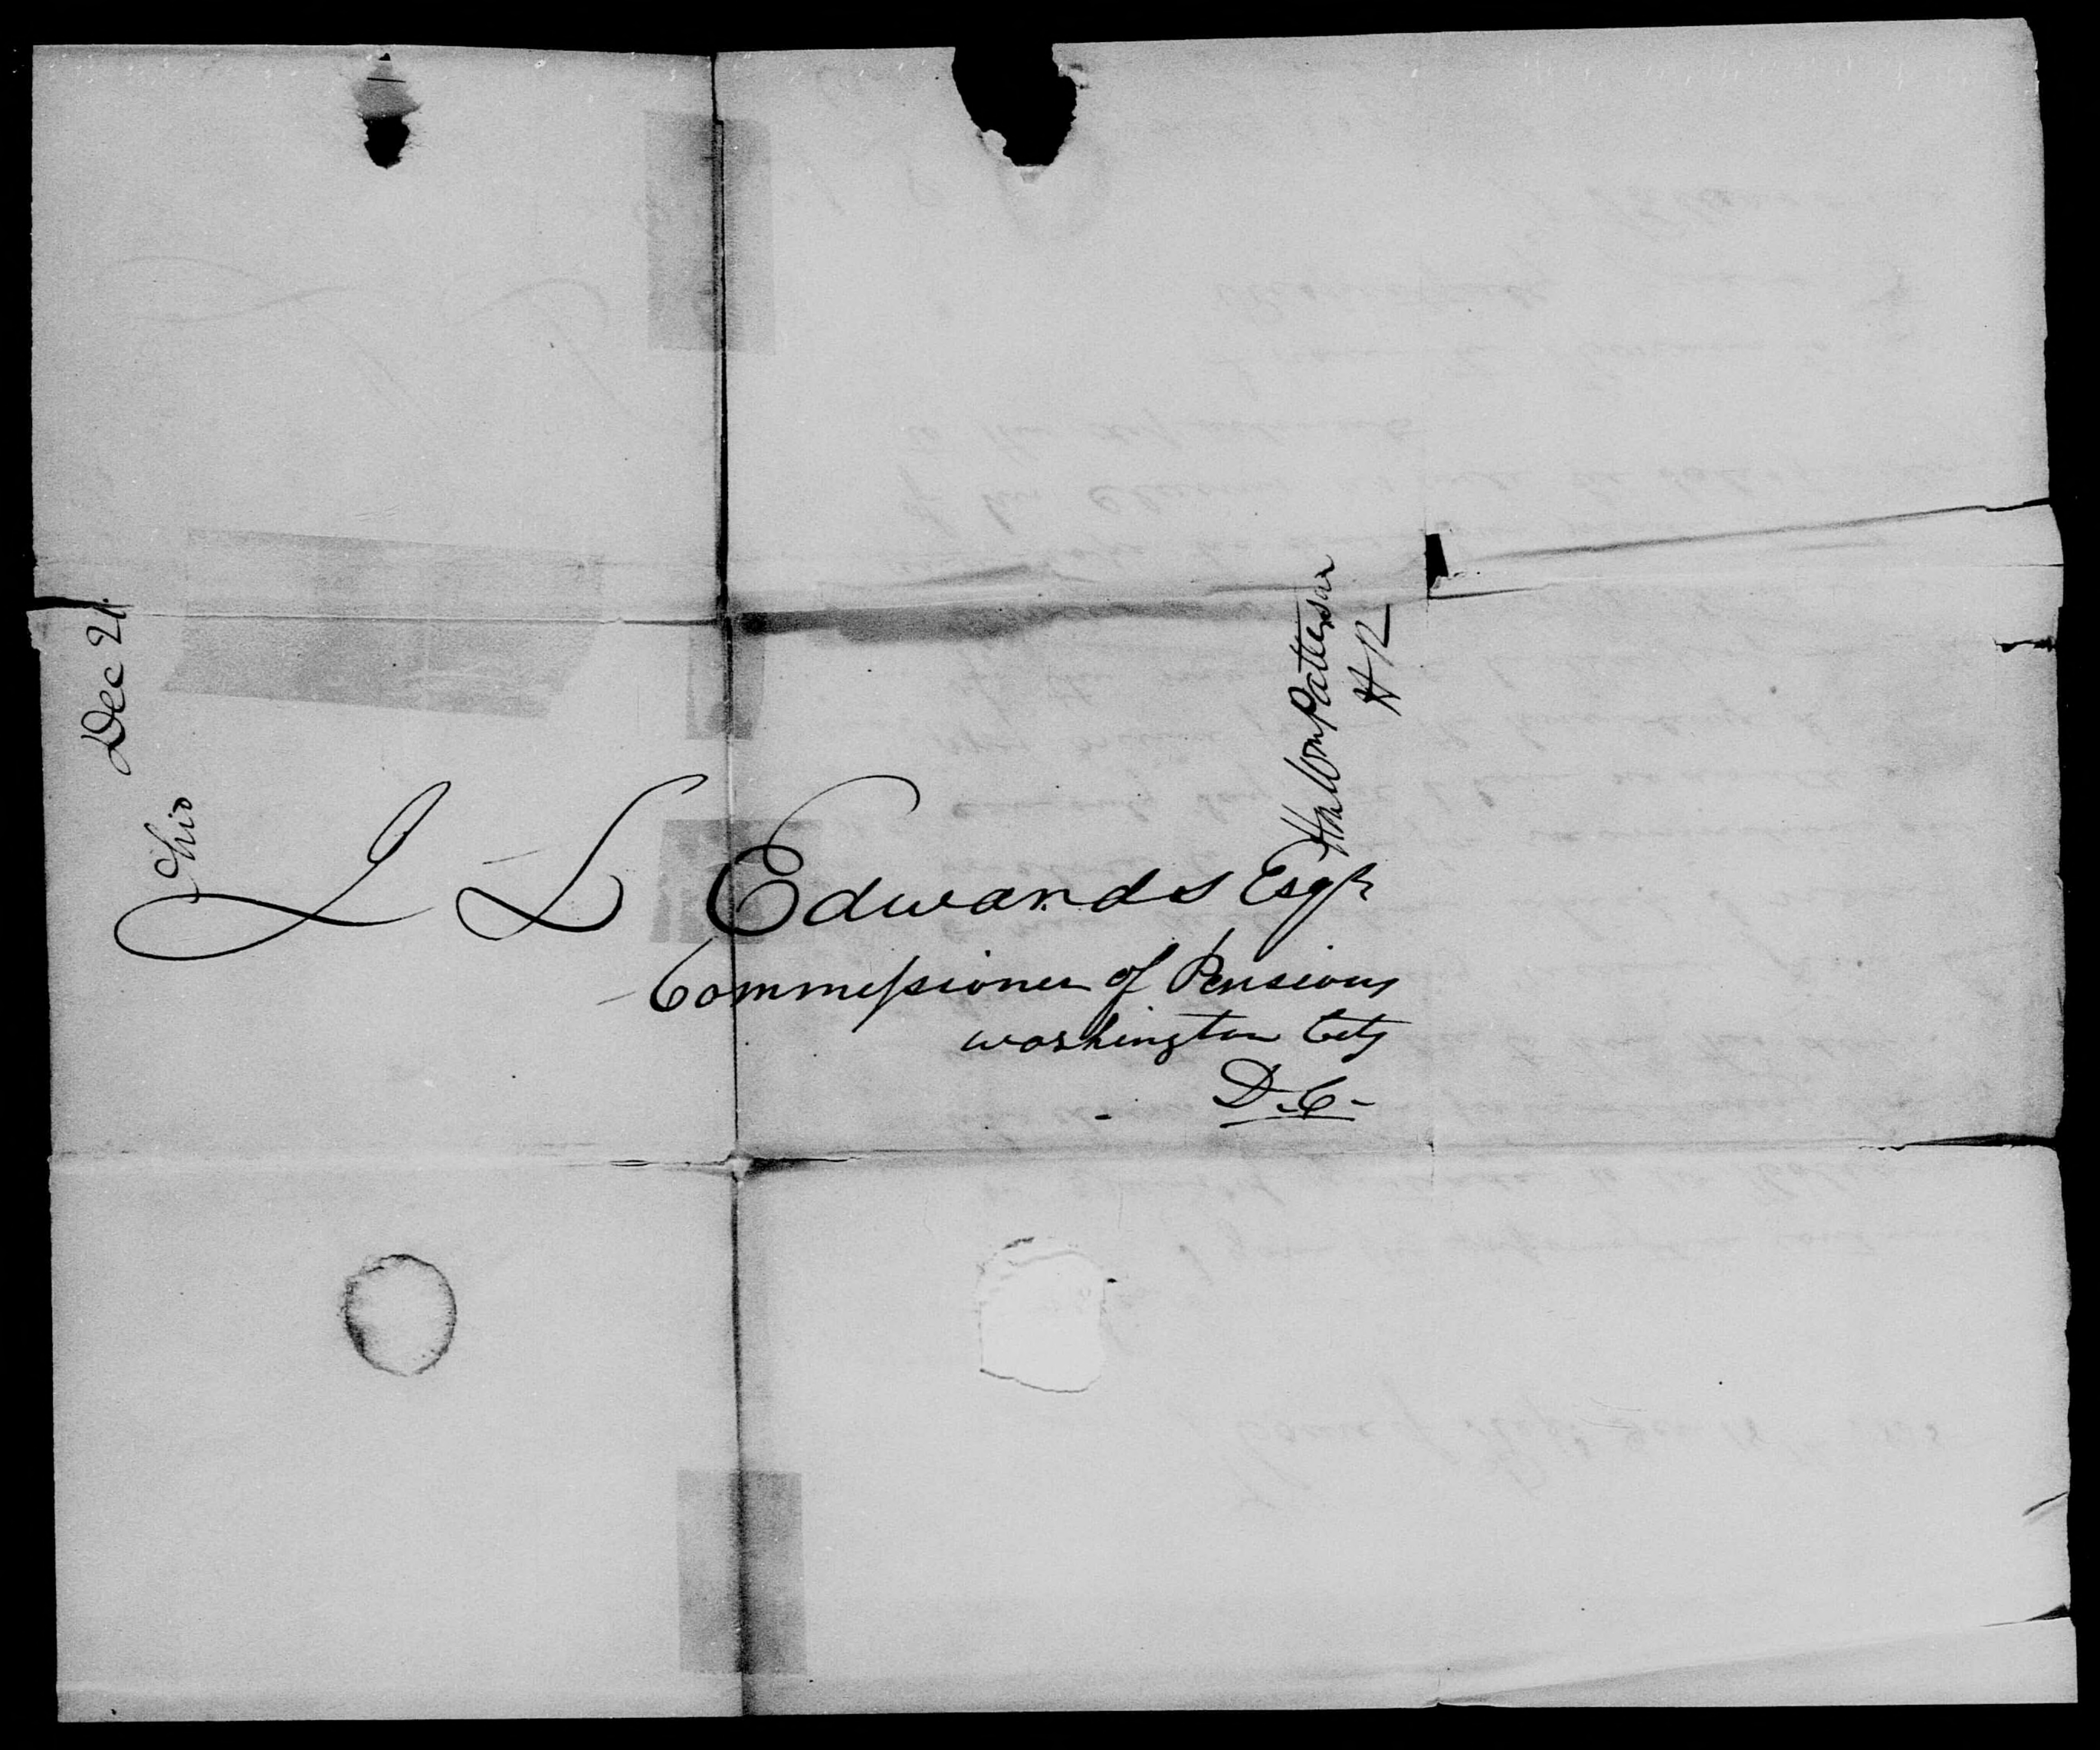J L Edwards Esqr
Commissioner of Pensions
Washington City
D.C.

Dec 21
Ohio
Hon Wm Patterson
HR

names: J L Edwards, Wm Patterson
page: 26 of 33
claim: survivor's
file: S. 9587, William Holson, Va.